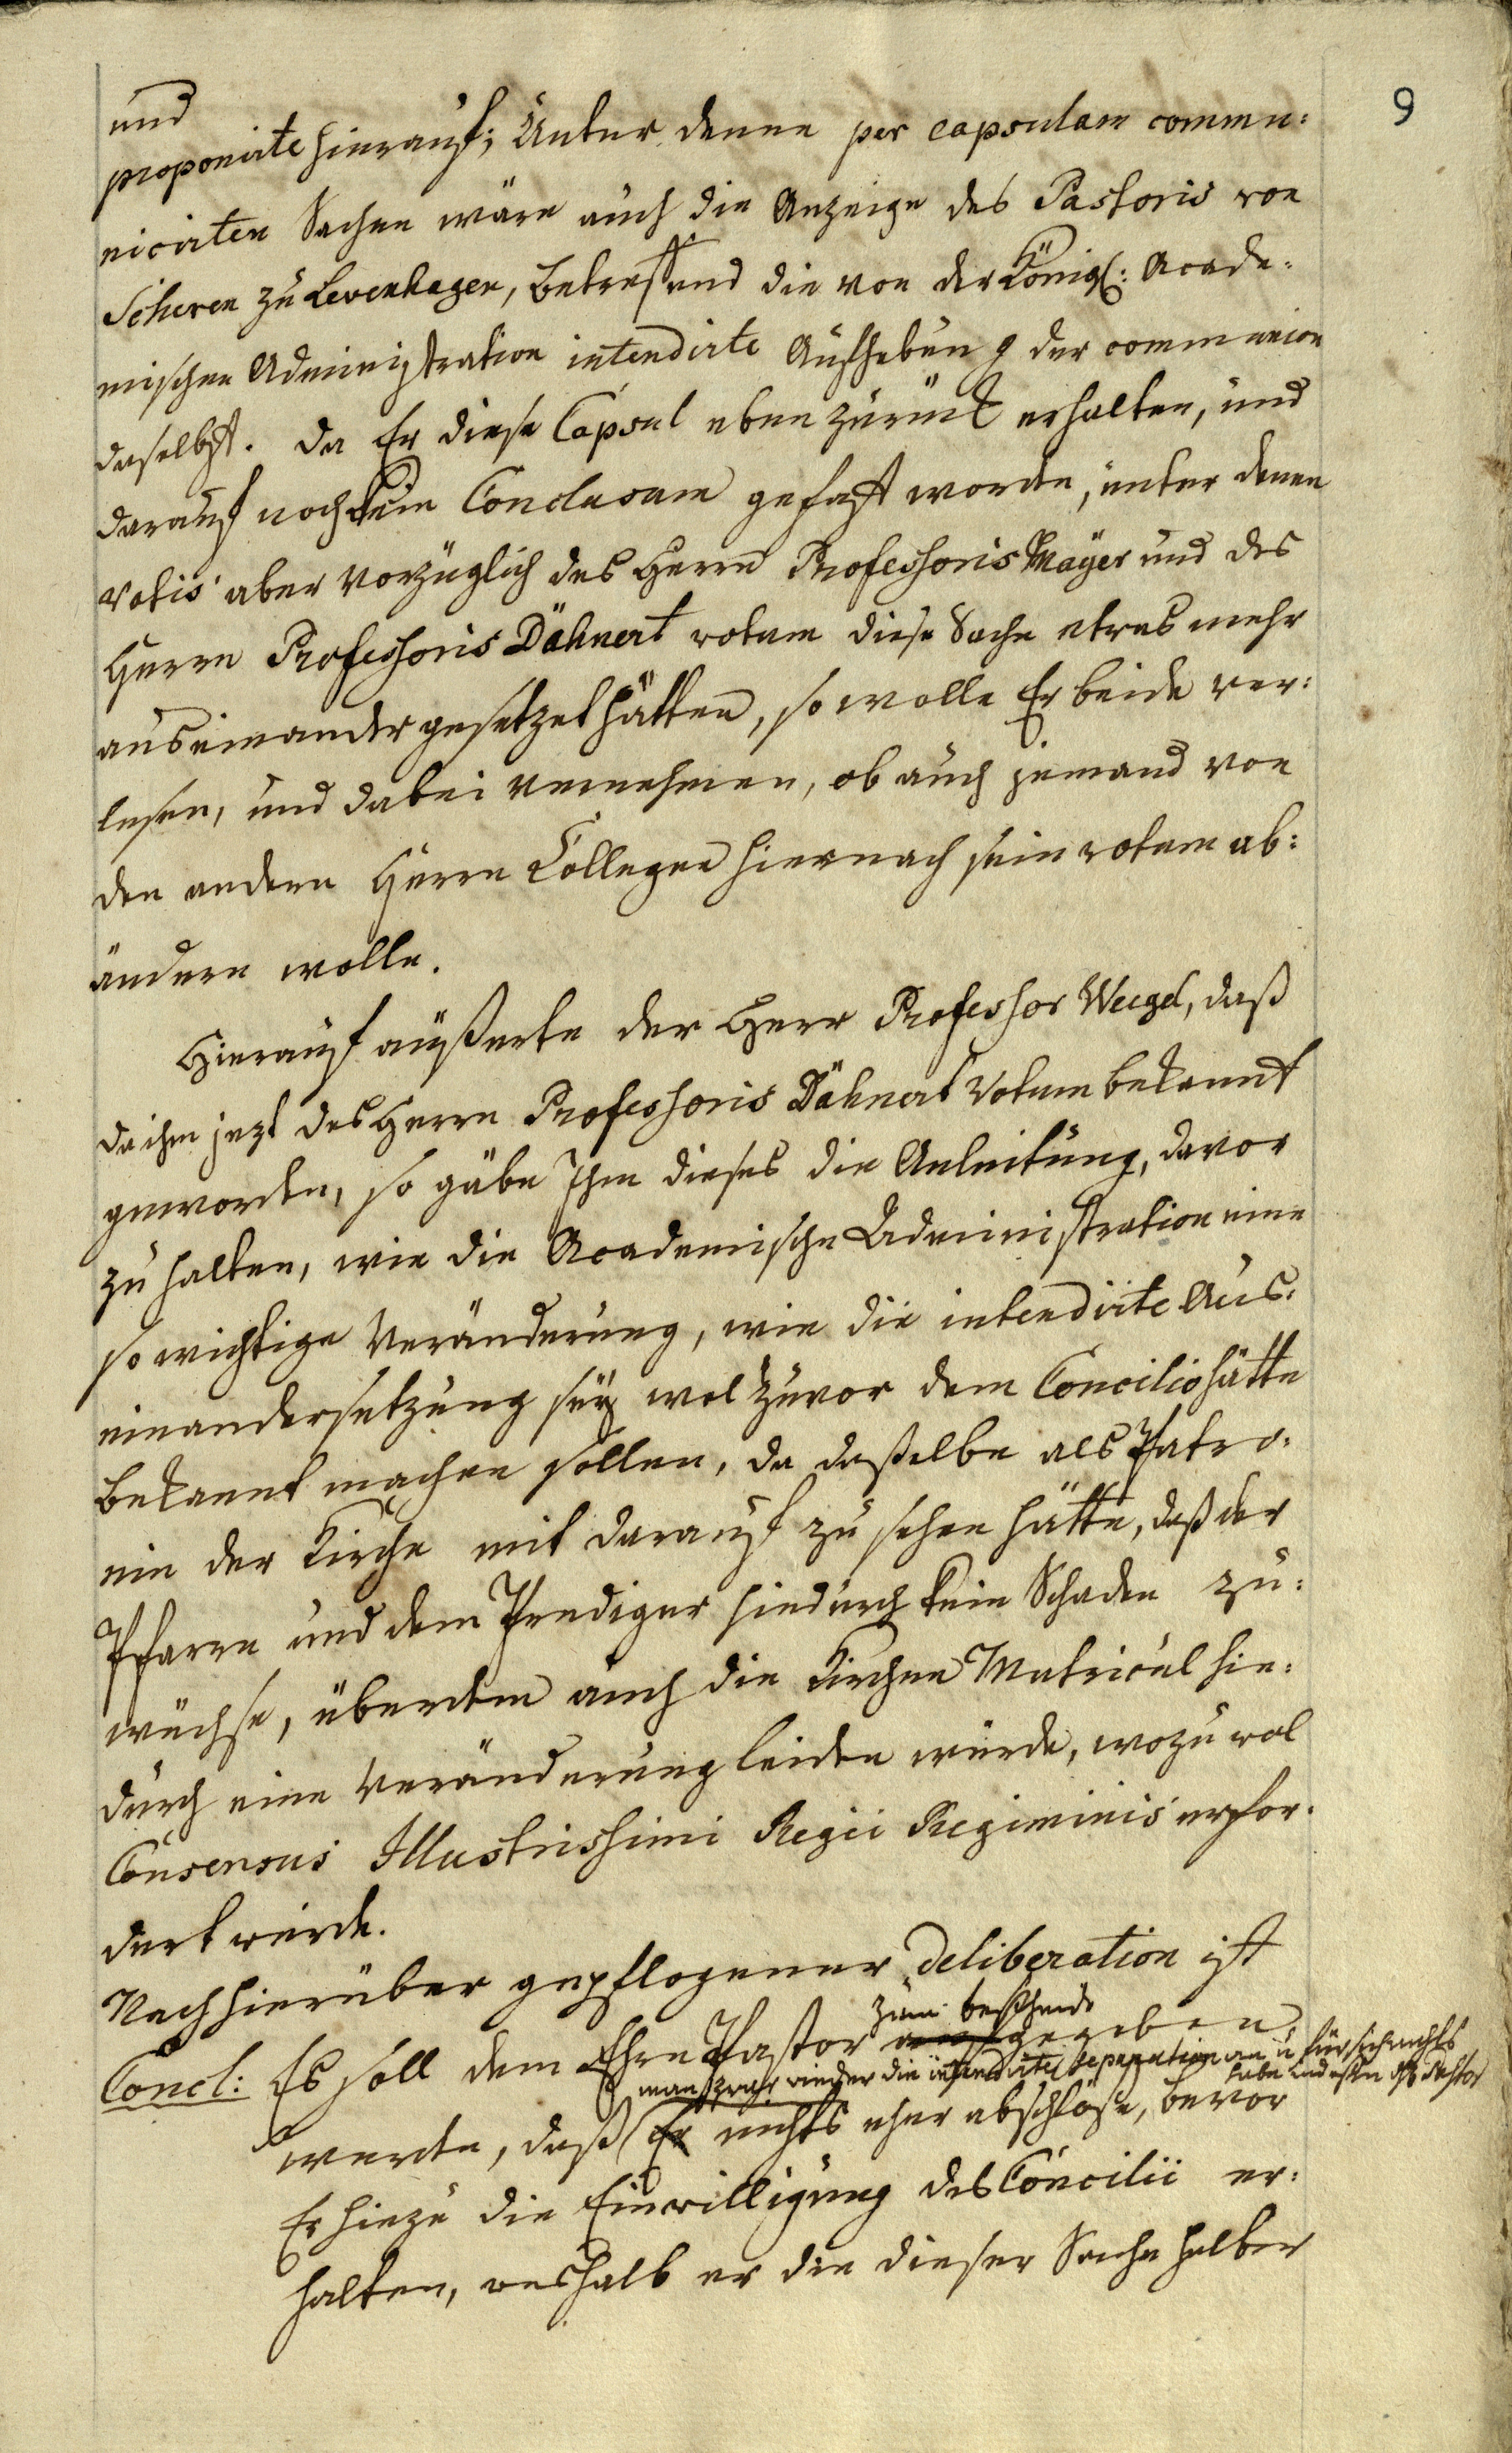und
proponirte hierauf; Unter denen per capsulam commu¬
nicirten Sachen wäre auch die Anzeige des Pastoris von
Scheven zu Levenhagen, betreffend die von der Königl. Acade¬
mischen Administration intendirte Aufhebung der communion
daselbst. da Er diese Capsul eben zurück erhalten, und
darauf noch kein Conclusum gefast worden, unter denen
votis aber vorzüglich des Herrn Professoris Maÿer und des
Herrn Professoris Dähnert votum diese Sache etwas mehr
auseinandergesetzet hätten, so wolle Er beide ver¬
lesen, und dabei vernehmen, ob auch jemand von
den andern Herrn Collegen hiernach sein votum ab¬
ändern wolle.
Hierauf äußerte der Herr Professor Weigel, daß
da ihm jezt des Herrn Professoris Dähnert Votum bekannt
geworden, so gäbe Ihm dieses die Anleitung, davor
zu halten, wie die Academische Administration eine
so wichtige Veränderung, wie die intendirte Aus¬
einandersetzung seÿ wol zuvor dem Concilio hätte
bekannt machen sollen, da daßelbe als Patro¬
nin der Kirche mit darauf zu sehen hätte, daß der
Pfarre und dem Prediger hiedurch kein Schaden zu¬
wüchse, überdem auch die Kirchen Matricul hie¬
durch eine Veränderung leiden würde, wozu wol
Consensus Illustrissimi Regii Regiminis erfor¬
dert würde.
Nach hierüber gepflogener deliberation ist
Concl. Es soll dem Herrn Pastor zum bescheide
gegeben
man zwahr wieder die intendirte separation an u für sich recht
habe und es an dh Pastor
werden, daß nichts eher abschlöße, bevor
Er hiezu die Einwilligung des Concilii er¬
halten, weshalb er dieser Sache halber